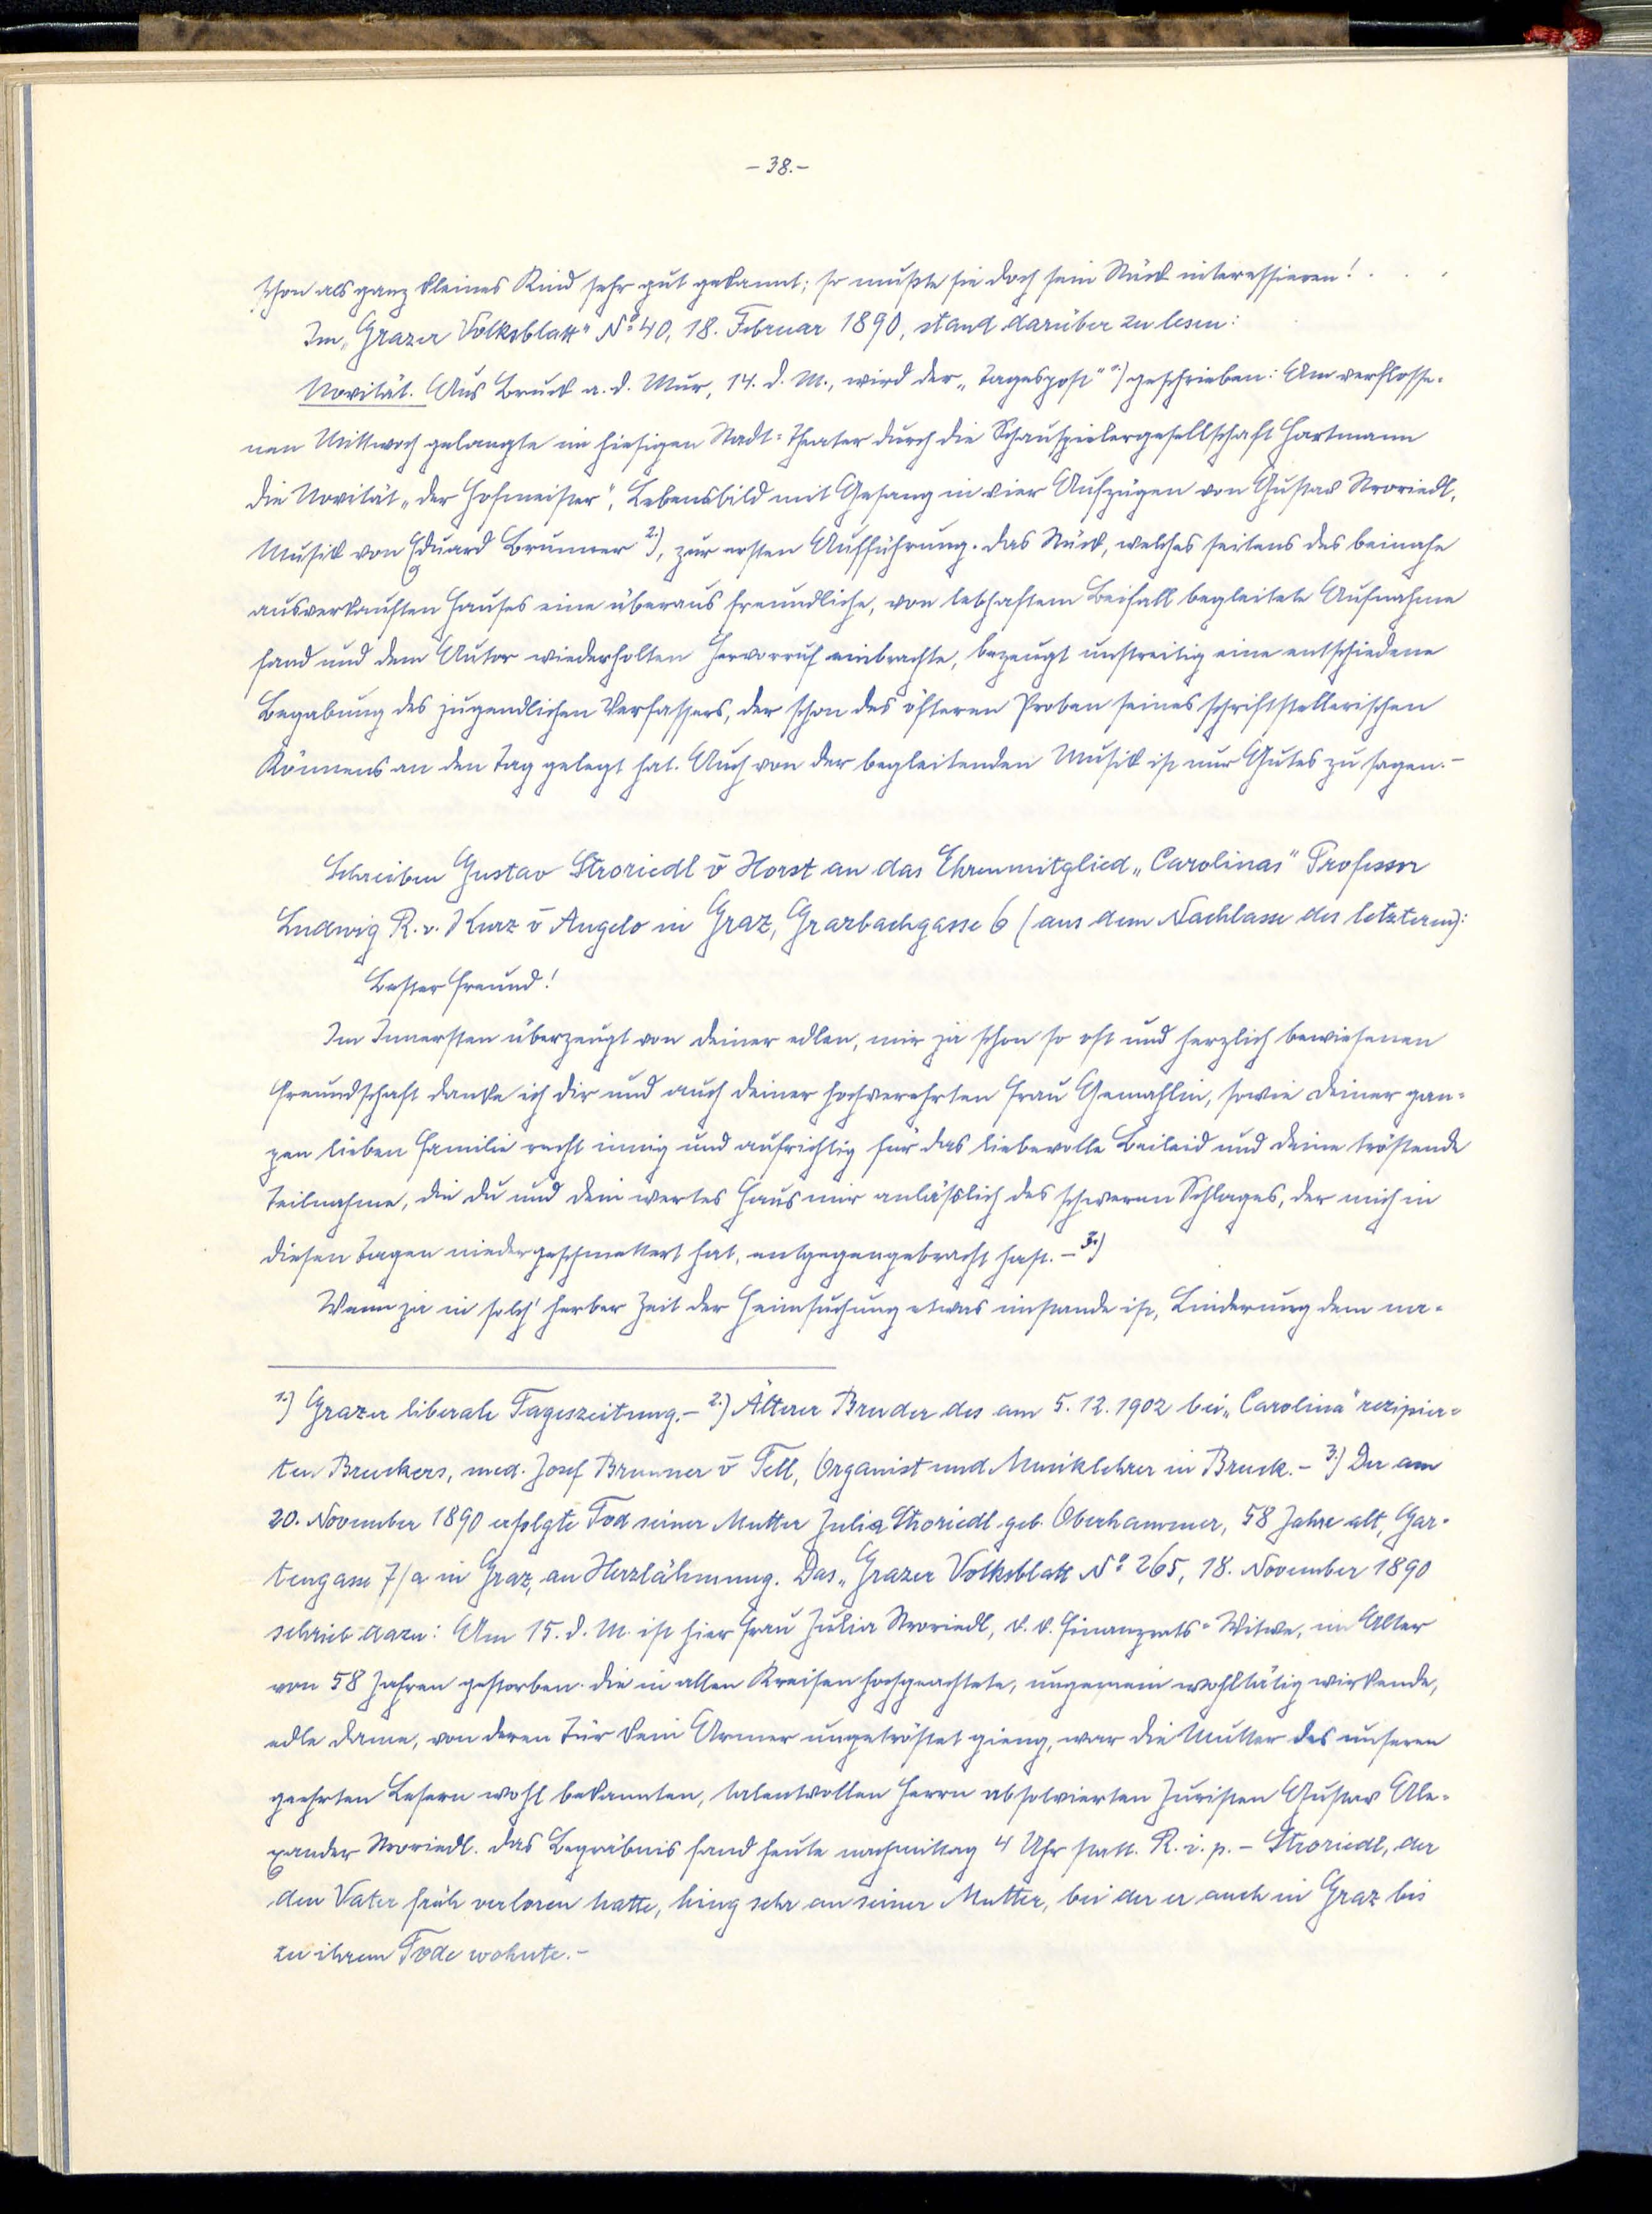38.
schon als ganz kleines Kind sehr gut gekannt, so musste sie doch sein Stück interessieren!-
Im "Grazer Volksblatt" Nr. 40,18. Februar 1890, stand darüber zu lesen:
Novität. Aus Bruck a. d. Mur, 14. d. M, wird der "Tagespost" 1.) geschrieben: Am verflossen-
nen Mittwoch gelangte im hiesigen Stadt-Theater durch die Schauspielergesellschaft Hartmann
die Novität "Der Hofmeister“, Lebensbild mit Gesang in vier Aufzügen von Gustav Stroriedl,
Musik von Eduard Brenner 2.) zur ersten Aufführung. Das Stück, welches seitens des beinahe
ausverkauften Hauses eine überaus freundliche, von lebhaftem Beifall begleitete Aufnahme
fand und den Autor wiederholten Hervorruf einbrachte, bezeugte unstreitig eine entschiedene
Begabung des jugendlichen Verfassers, der schon des öfteren Proben seines schriftstellerischen
Könnens an den Tag gelegt hat. Auch von der begleitenden Musik ist nur Gutes zu sagen.
Schreiben Gustav Stroriedl v/o Horst an das Ehrenmitglied "Carolinas" Professor
Ludwig R. v. Kurz v/o Angelo in Graz, Grarbachgasse 6 (aus dem Nachlasse des letzteren):
Bester Freund!
Im Innersten überzeugt von deiner edlen, mir ja schon so oft und herzlich bewiesenen
Freundschaft danke ich dir und auch deiner hochverehrten Frau Gemahlin, sowie deiner gan-
zen lieben Familie recht innig und aufrichtig für das liebevolle Beileid und deine tröstende
Teilnahme, die du und dein wertes Haus mir anlässlich des schweren Schlages, der mich in
diesen Tagen niedergeschmettert hat, entgegengebracht hast.
Wenn ja in solch' herber Zeit der Heimsuchung etwas imstande ist, Linderung dem na-
1.) Grazer liberale Tageszeitung.- 2.) Älterer Bruder des am 5. 12. 1902 bei „Carolina“ rezipiert-
ten Bruckers, med. Josef Brenner v/o Tell, Organist und Musiklehrer in Bruck.- 3) Der am
20. November 1890 erfolgte Tod seiner Mutter Julia Stroriedl geb. Oberhammer, 58 Jahre alt, Gar-
tengasse 7/a in Graz, an Herzlähmung. Das "Grazer Volksblatt" Nr. 265, 18. November 1890
schrieb dazu: Am 15. d. M. ist hier Frau Julia Stroriedl, k. k. Finanzrats - Witwe, im Alter
von 58 Jahren gestorben. Die in allen Kreisen hochgeachtete, ungemein wohltätig wirkende,
edle Dame, von derer Tür kein Armer ungetröstet gieng, war die Mutter des unseren
geehrten Lesern wohl bekannten, talentvollen Herrn absolvierten Juristen Gustav Ale-
xander Stroriedl. Das Begräbnis fand heute nachmittag 4 Uhr statt. R. i. P. - Stroriedl, der
den Vater früh verloren hatte, hing sehr an seiner Mutter, bei der er auch in Graz bis
zu ihrem Tode wohnte.